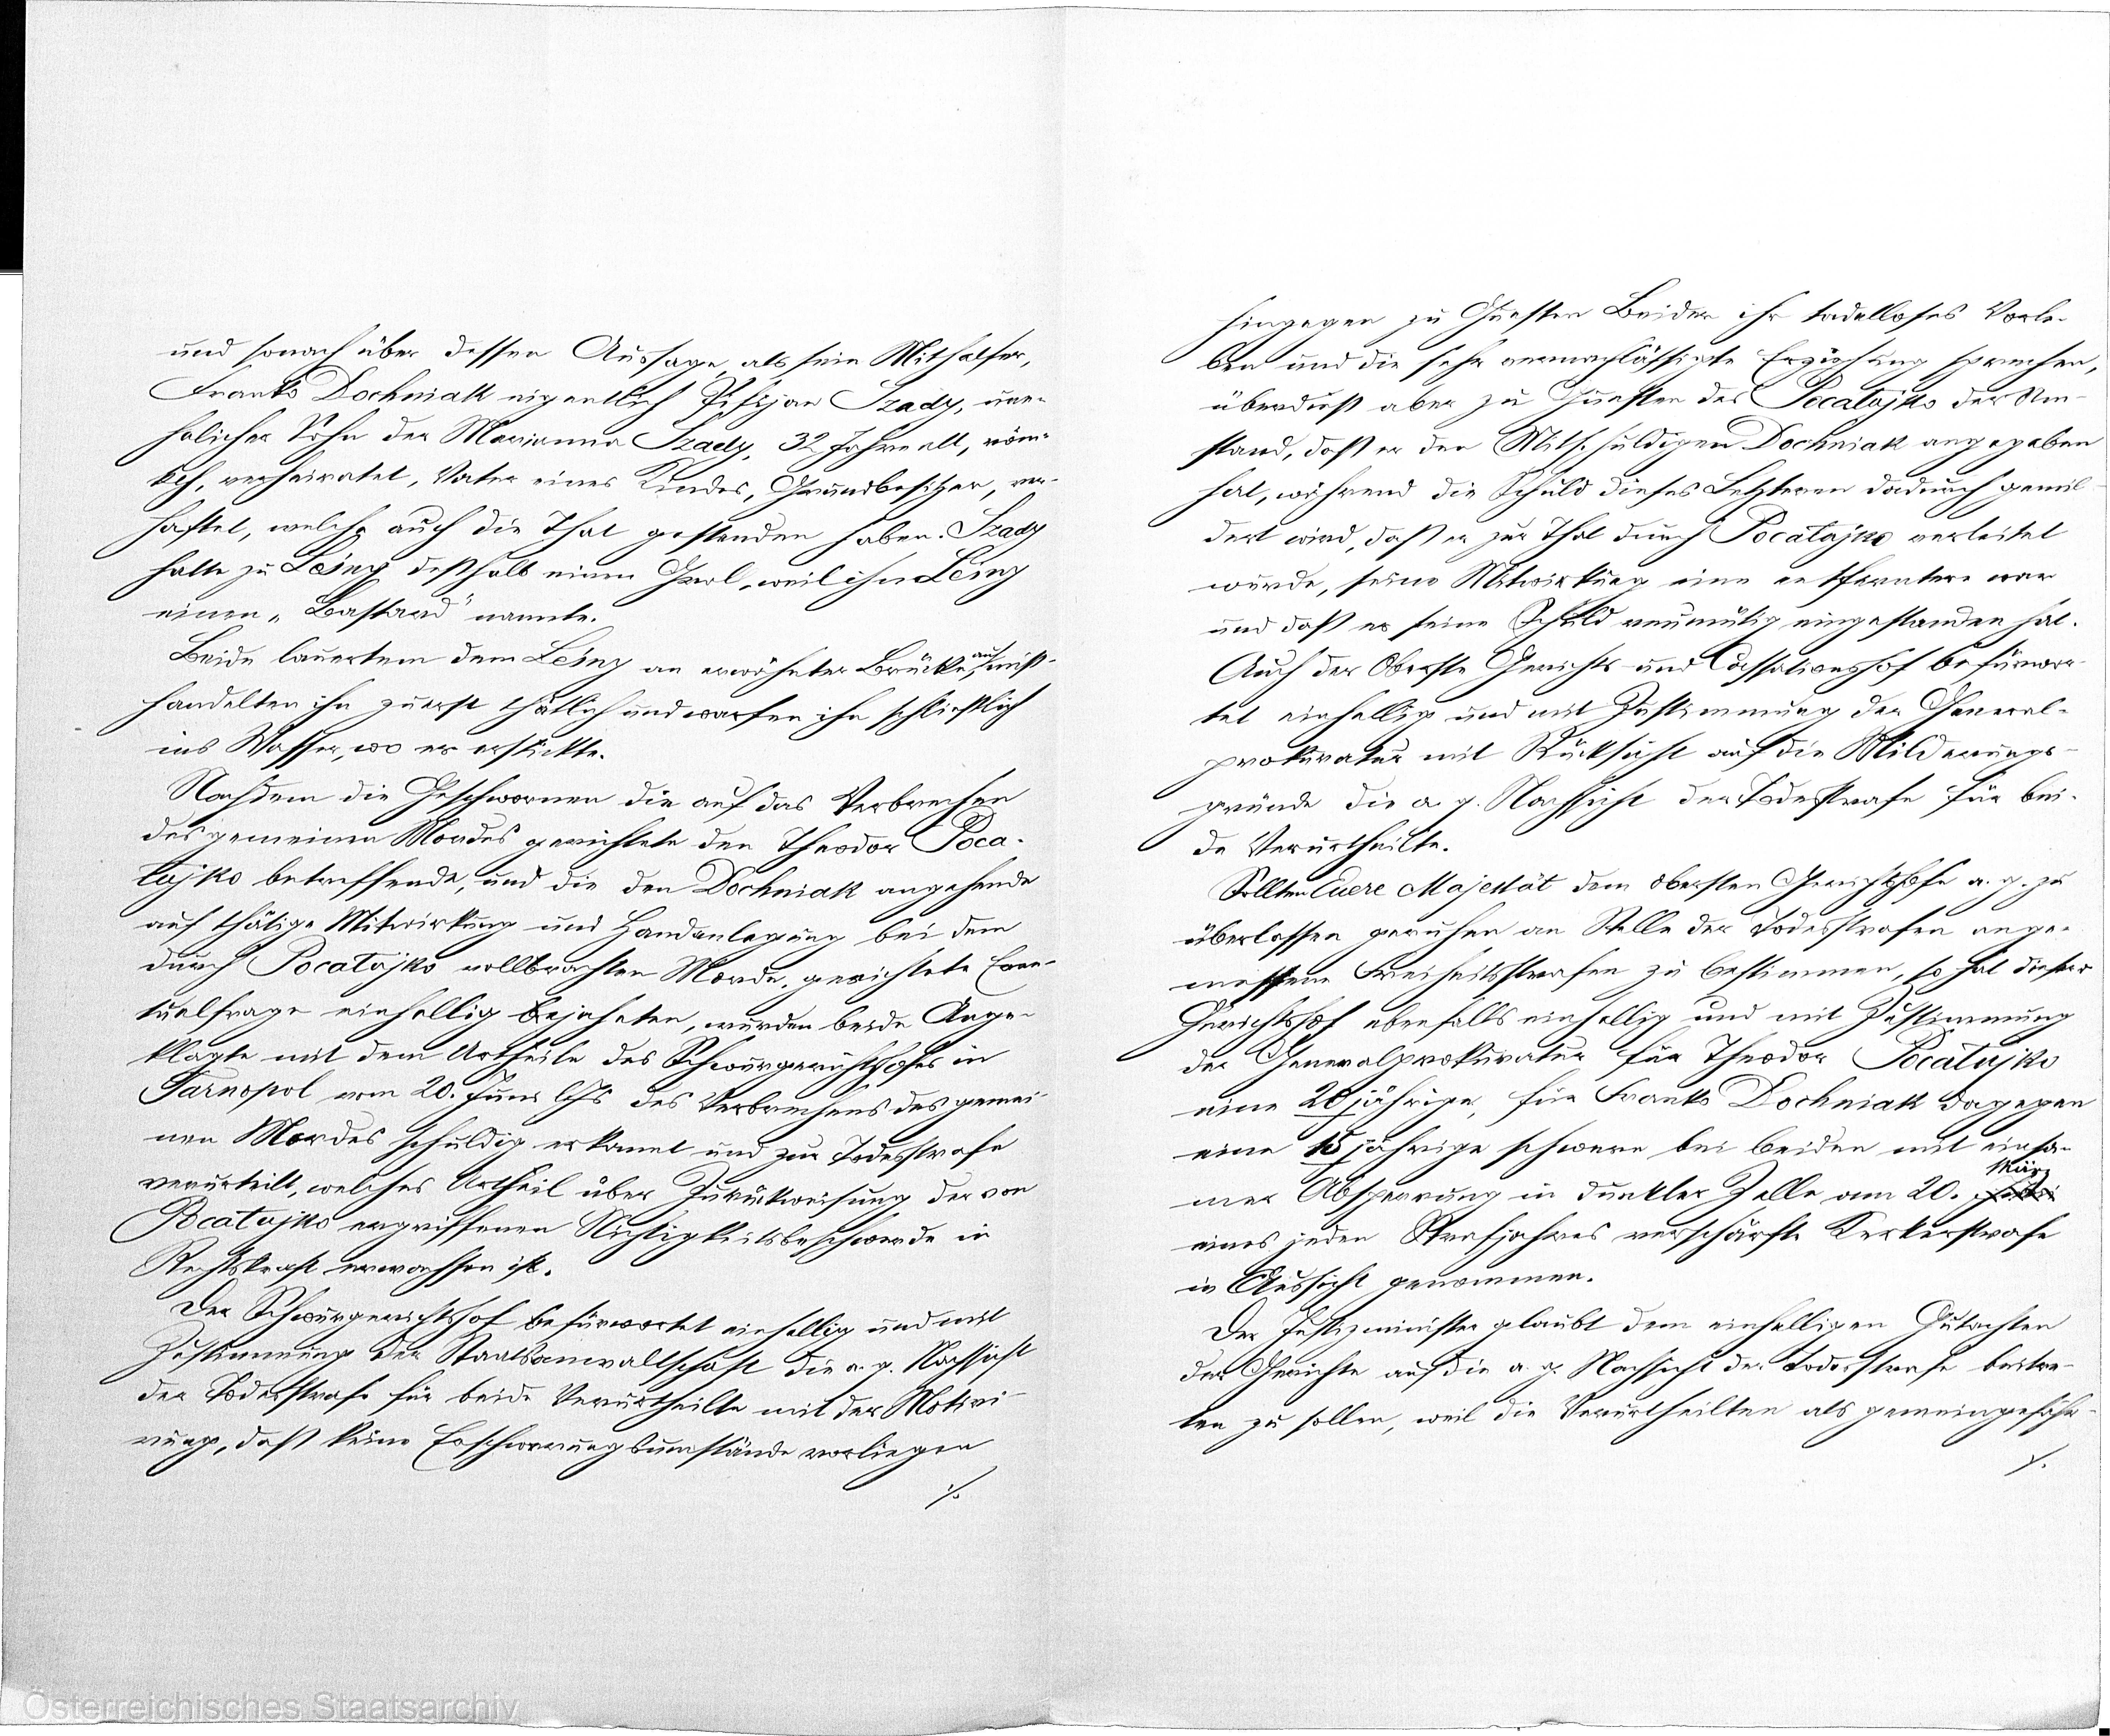und sonach über dessen Aussage, als sein Mithalser,
Franko Dochniak eigentlich Pisijan Szady, un¬
ehelicher Sohn der Marianna Szady, 32 Jahre alt, röm¬
xx, verheiratet, Vater eines Kindes, Grundbesitzer, ver¬
haftet, welche auch die That gestanden haben. Szady
hatte zu Leśny deßhalb einen xx Leśny
einen = Bastard=nannte.
Beide lauertem dem Leśny an erwähnter Brücke auf, miß¬
handelten ihn zuerst thätlich und warfen ihn schließlich
ins Wasser, wo er erstickte.
Nachdem die Geschwornen die auf das Verbrechen
des gemeinen Mordes gerichtete den Theodor Poca¬
tvjko betreffende, und die den Dochniak angehende
auf thätige Mitwirkung und Handanlegung bei dem
durch Pocatujko vollbrachten Morde, gerichtete Even¬
tualfrage einhellig bejahrten, wurden beide Ange¬
klagte mit dem Urtheile des Schwurgerichtshofes in
Tarnopol vom 20. Juni lJs des Verbrechens des gemei¬
nen Mordes schuldig erkannt und zur Todesstrafe
verurteilt, welches Urtheil über Zurückweisung der von
Pocatujko ergriffenen Nichtigkeitsbeschwerde in
Rechtskraft erwachsen ist.
Der Schwurgerichtshof befürwortet einhellig und mit
Zustimmung der Staatsanwaltschaft die a. g. Nachsicht
der Todesstrafe für beide Verurtheilte mit der Motivi¬
rung, daß keine Erschwerungsumstände vorliegen
hingegen zu Geesten Beider ihr tadelloses Vorle¬
ben und die sehr vernachlässigte Erziehung sprechen,
überdieß aber zu Gunsten der Pocatujko der Um¬
stand, daß er den Mitschuldigen Dochniak angegeben
hat, während die Schuld dieses Letzteren dadurch gemil¬
dert wird, daß er zur That durch Pocatujko verteitet
wurde, seine Mitwirkung eine entferntere war
und daß er seine Schuld reumütig eingestanden hat.
Auch der Oberste Gerichts und Cassationshof befürwor¬
tet einhellig und mit Zustimmung der General¬
prokuratur mit Rücksicht auf die Milderungs¬
gründe die a. g. Nachsicht der Todesstrafe für bei¬
de Verurtheilte.
Sollten Euere Majestät dem obersten Gerichtshofe a. g. zu
überlassen geruhen an Stelle der Todesstrafen ange¬
messene Freiheitsstrafen zu bestimmen, so hat dieser
Gerichtshof ebenfalls einhellig und mit Zustimmung
der Generalprokuratur für Theodor Pocatujko
eine 20jährige, für Franko Dochniak dagegen
eine 15jährige schwere bei beiden mit einsa¬
mer Absperrung in dunkler Zelle am 20. März
eines jeden Strafjahres verschärfte Kerkerstrafe
in Aussicht genommen.
Der Justizminister glaubt dem einhelligen Gutachten
der Gerichte auf die a. g. Nachsicht der Todesstrafe beitre¬
ten zu sollen, weil die Verurtheilten als gemeingefähr¬